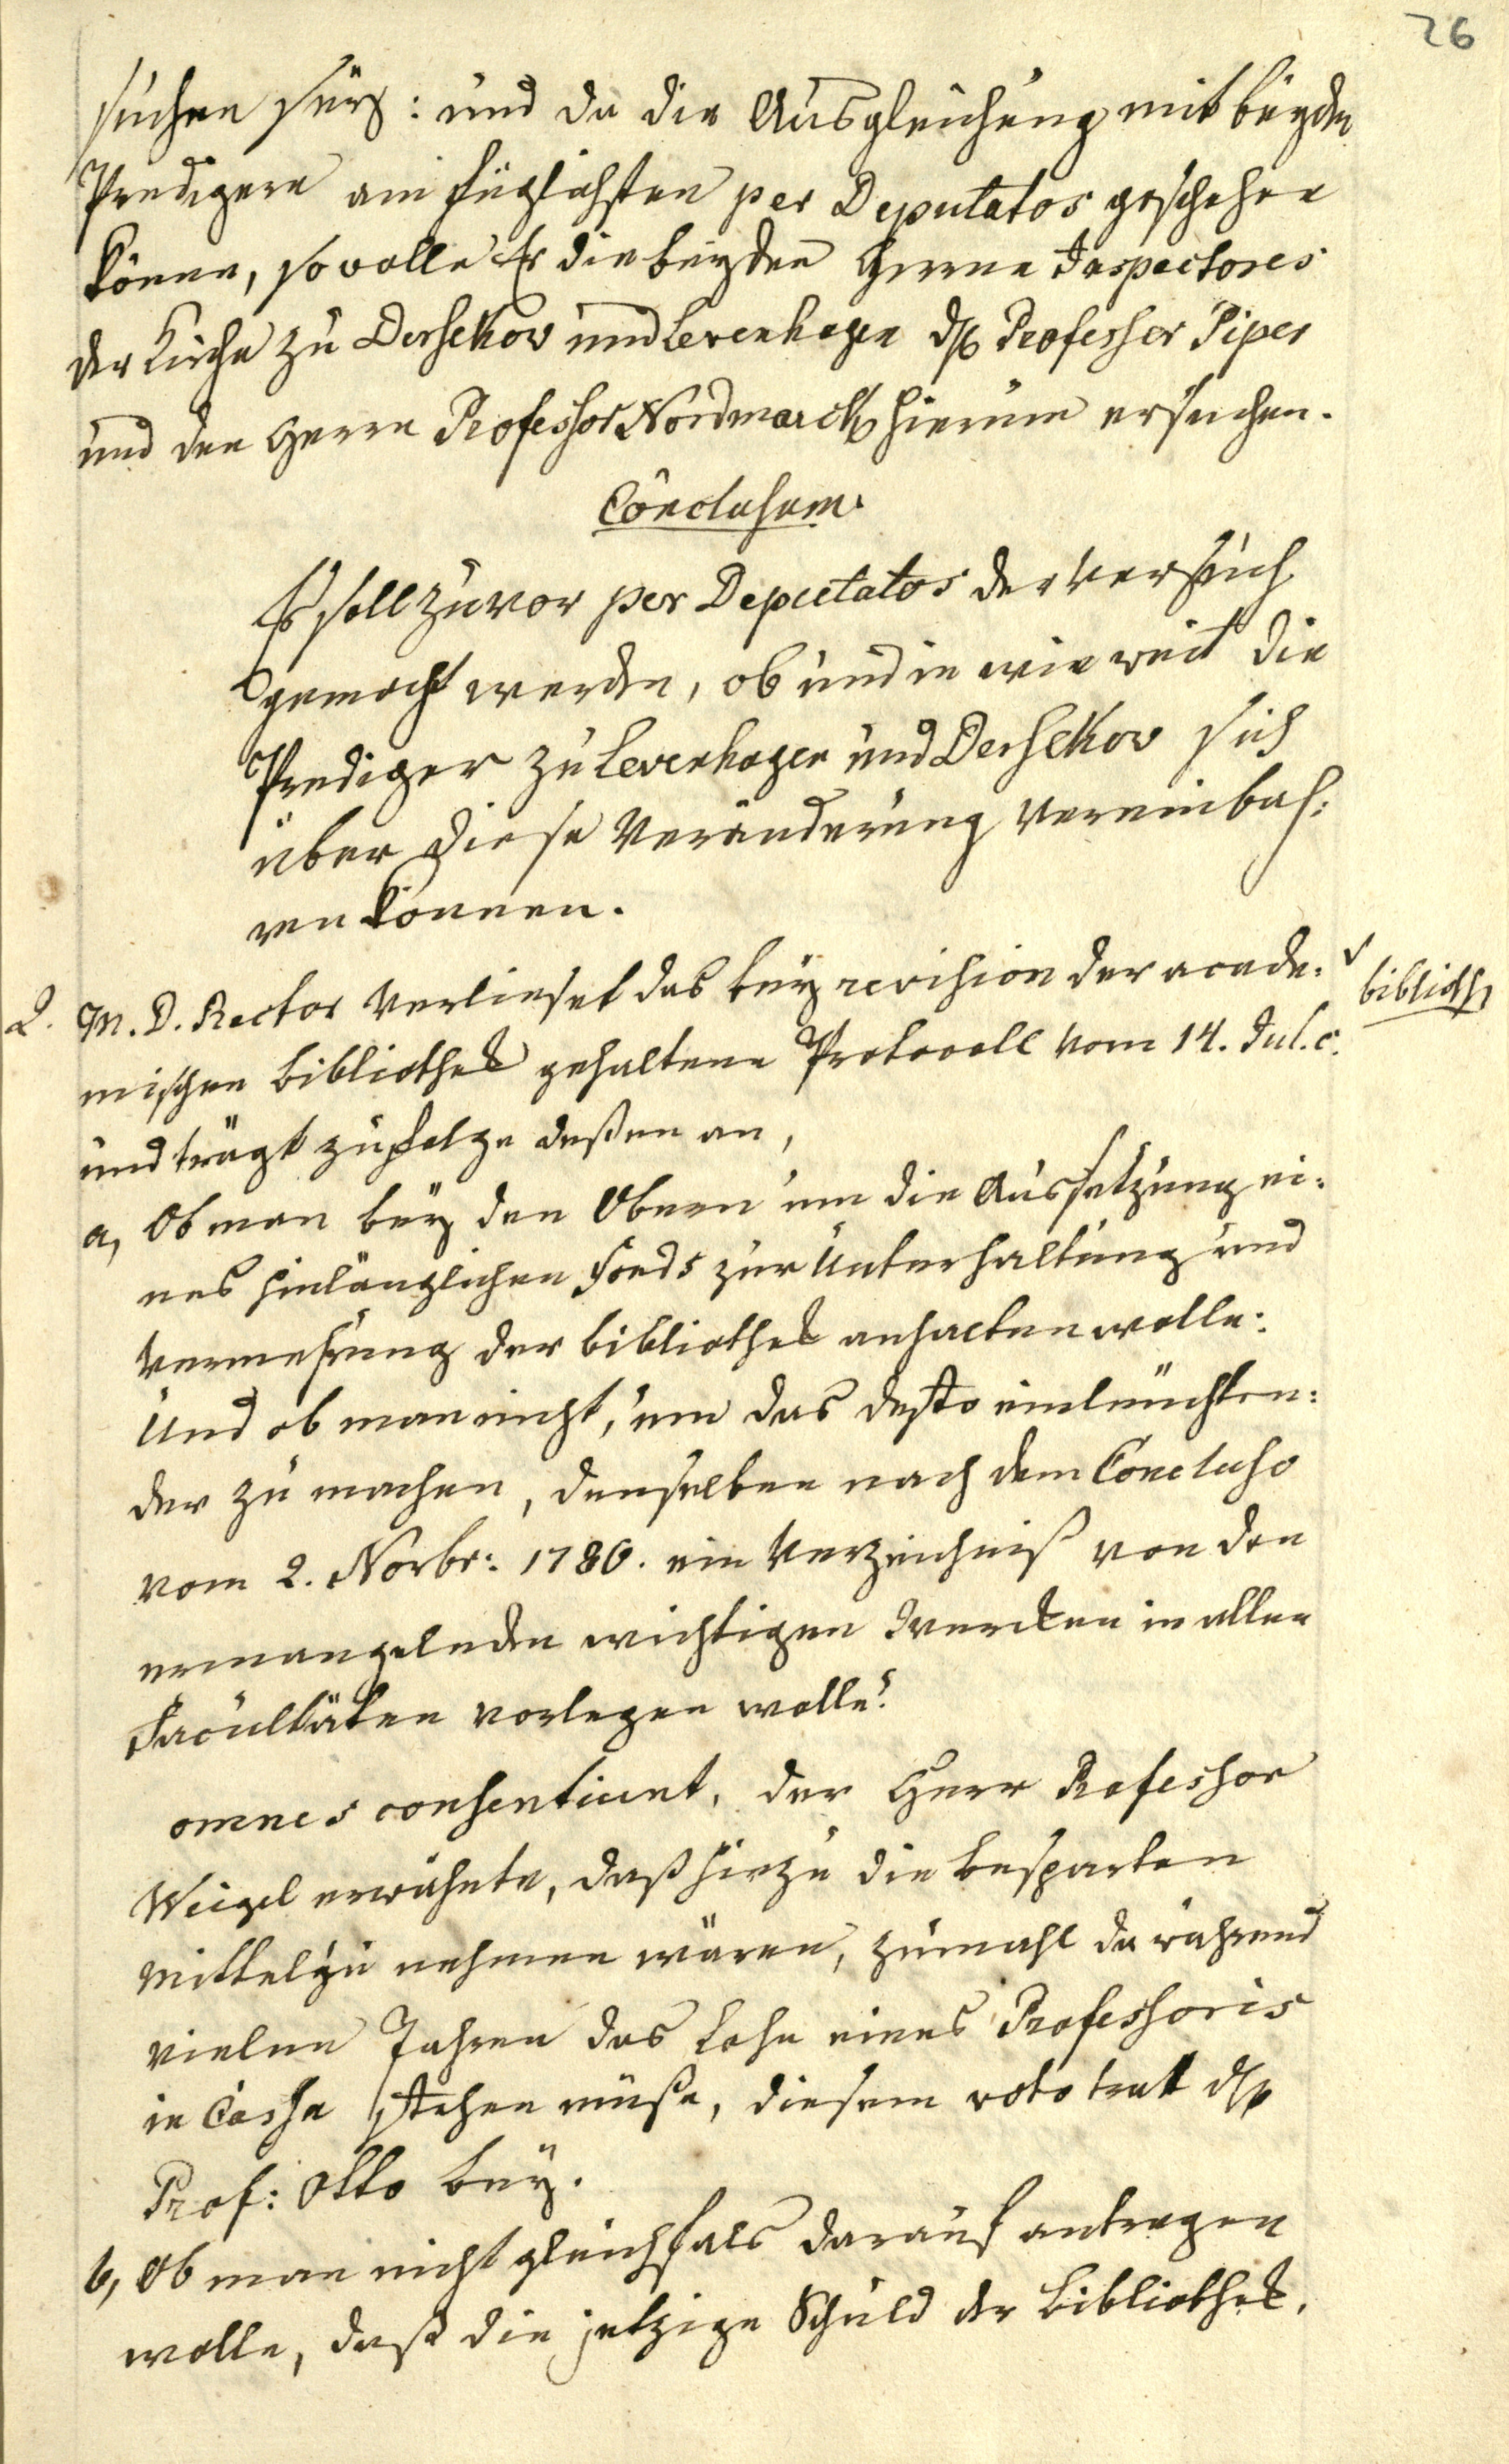suchen seÿ, und da die Ausgleichung mit beÿden
Predigern am füglichsten per Deputatos geschehen
könne, so wolle Er die beÿden Herren Inspectores
der Kirche zu Dersekow und Levenhagen dh Professor Piper
und den Herrn Professor Nordmarck hierum ersuchen.
Conclusum
Es soll zuvor per Deputatos der Versuch
gemacht werden, ob und in wie weit die
Prediger zu Levenhagen und Dersekow sich
aber diese Veränderung vereinbah¬
ren können.
2. M. D. Rector verlieset das beÿ revision der acade¬
mischen Bibliothek gehaltene Protocoll vom 14. Jul.c.
und trägt zufolge deßen an,
a, Ob man beÿ den Obern um die Aussetzung ei¬
nes hinlänglichen Fonds zur Unterhaltung und
Vermehrung der Bibliothek anhalten wolle:
Und ob man nicht, um das desto einleuchten¬
der zu machen, denselben nach dem Concluso
vom 2. Novbr. 17 80. ein Verzeichniß von den
ermangelnden wichtigen Wercken in allen
Facultäten vorlegen wolle?
omnes consentiunt, der Herr Professor
Weigel erwähnte, daß hiezu die besparten
Mittel zu nehmen wären, zumahl da während
vielen Jahren das Lohn eines Professoris
in Cassa stehen müße, diesem voto trat dh
Prof. Otto beÿ.
b, Ob man nicht gleichfals darauf antragen
wolle, daß die jetzige Schuld der Bibliothek,